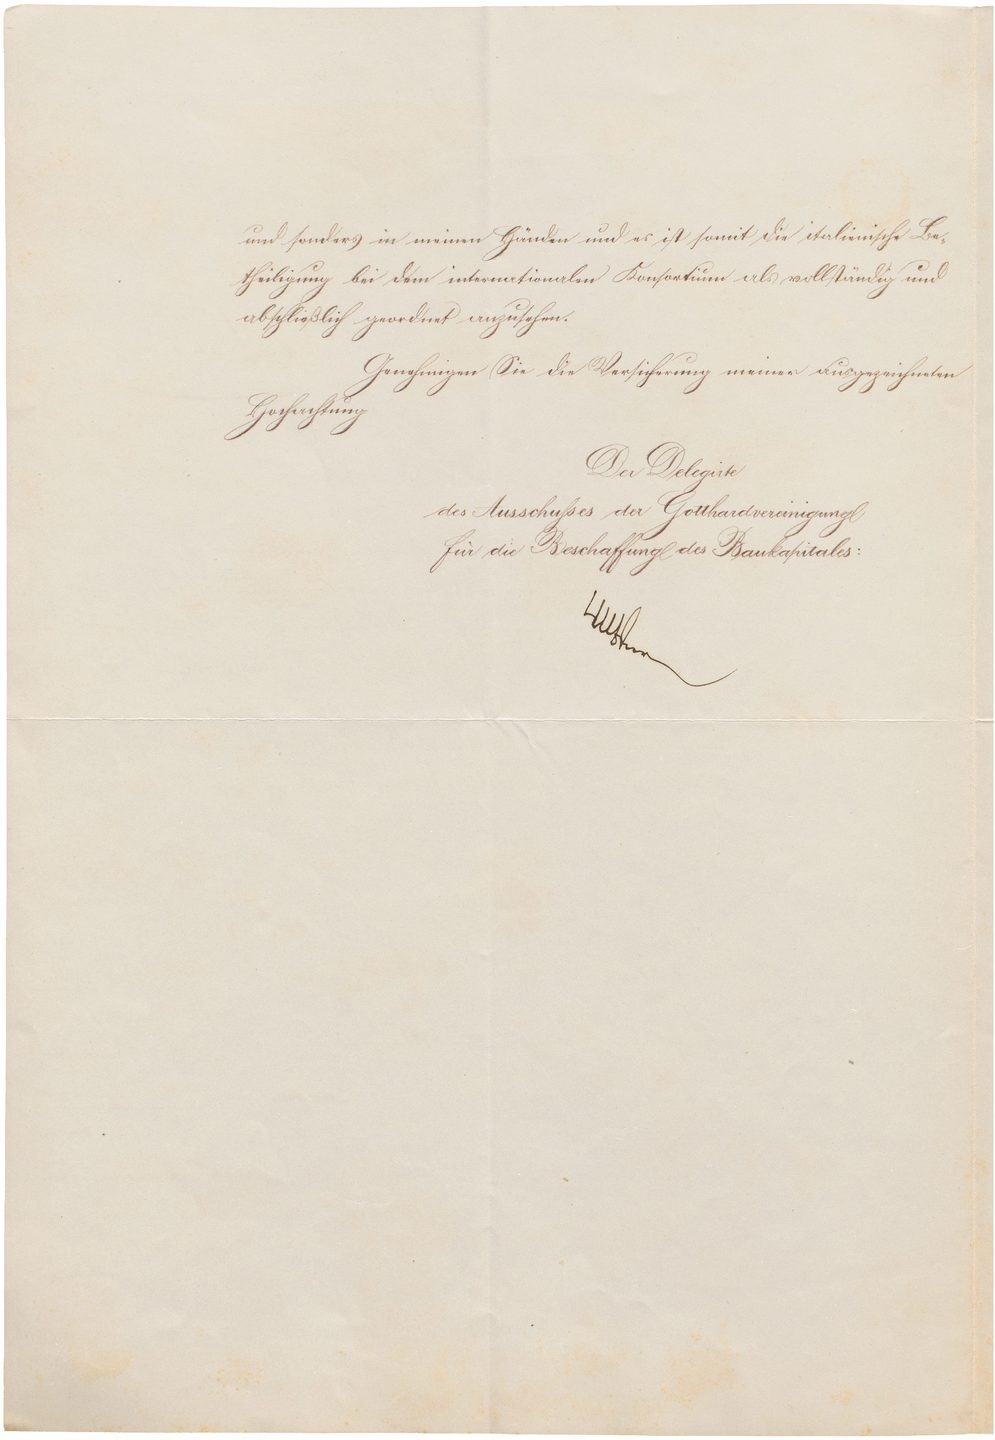und sonders in meinen Händen und es ist somit die italienische Be-
theiligung bei dem internationalen Konsortium als vollständig und
abschließlich geordnet anzusehen.
Genehmigen Sie die Versicherung meiner ausgezeichneten
Hochachtung
Der Delegirte
des Ausschusses der Gotthardvereinigung
für die Beschaffung des Baukapitales:
Escher